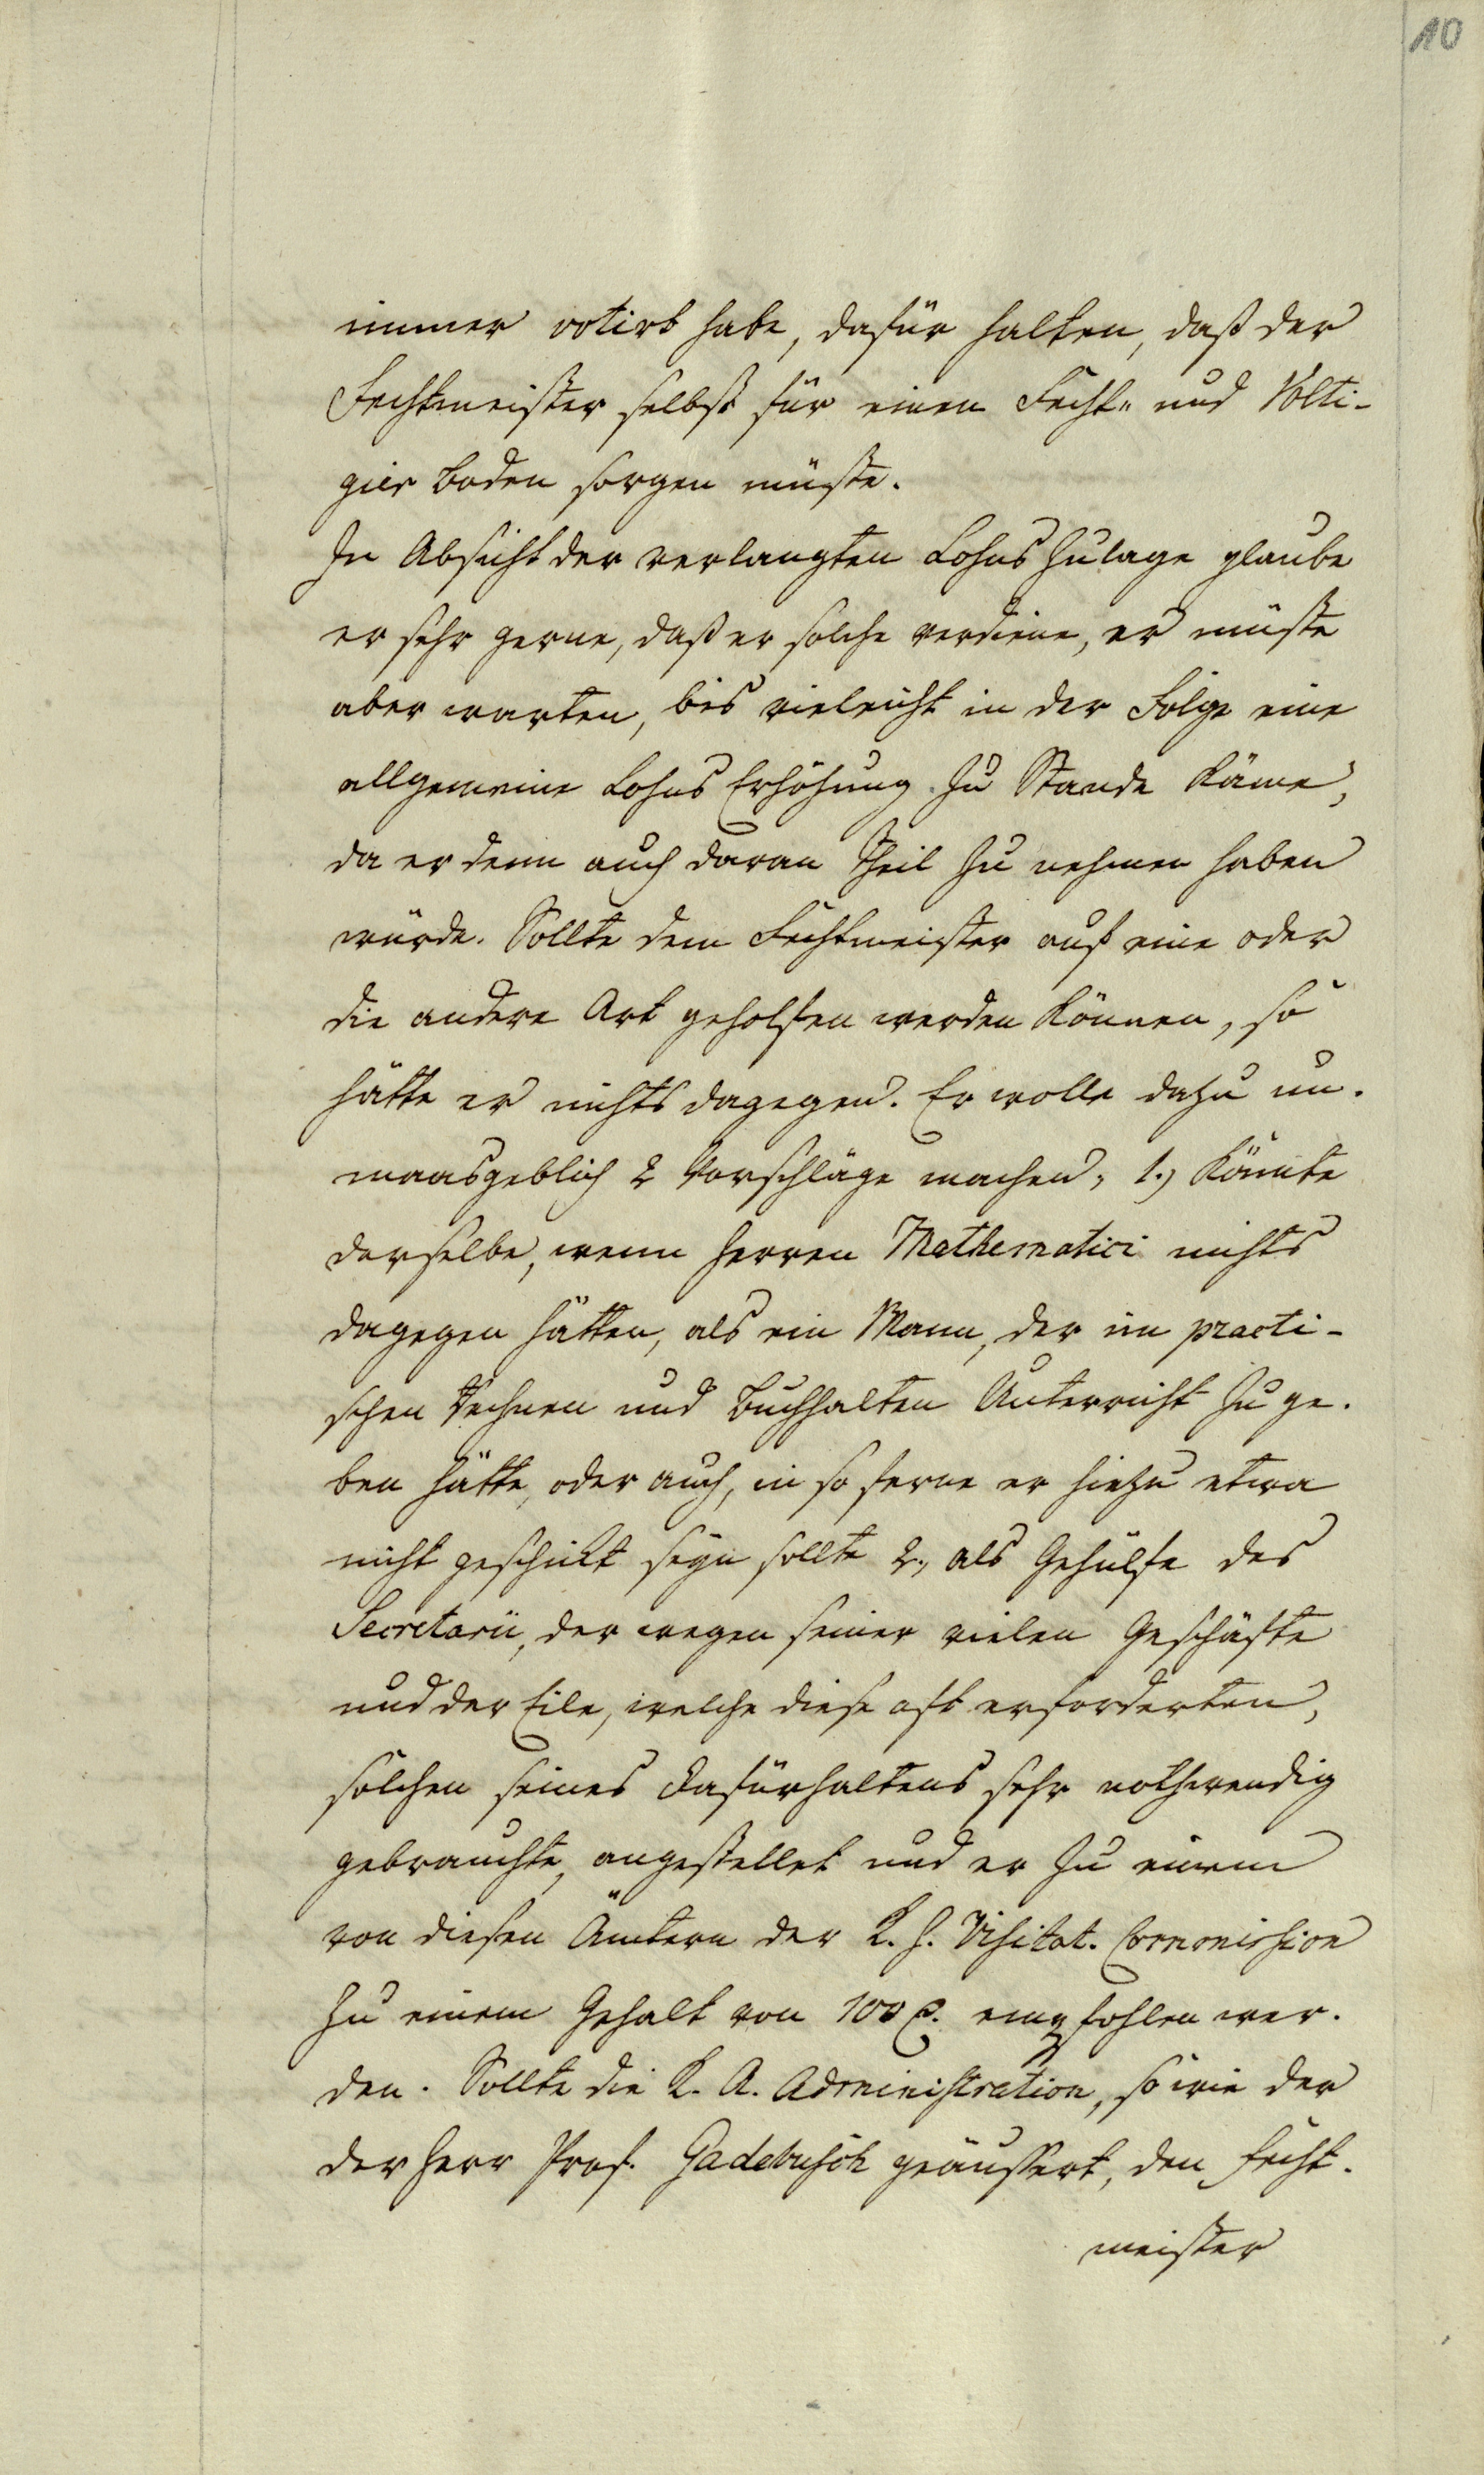immer votirt habe, dafür halten, daß der
Fechtmeister selbst für einen Fecht- und Volti¬
gier Boden sorgen müsste.
In Absicht der verlangten Lohns Zulage glaube
er sehr gerne, daß er solche verdiene, er müsste
aber warten, bis vieleicht in der Folge eine
allgemeine Lohns Erhöhung zu Stande käme,
da er dann auch davon Theil zu nehmen haben
würde. Sollte dem Fechtmeister auf eine oder
die andere Art geholfen werden können, so
hätte er nichts dagegen. Er wolle dazu un¬
maasgeblich 2 Vorschläge machen; 1., könnte
derselbe, wenn Herren Mathematici nichts
dagegen hätten, als ein Mann, der im practi¬
schen Rechnen und Buchhalten Unterricht zu ge¬
ben hätte, oder auch, in so fern er hiezu etwa
nicht geschickt seÿn sollte 2., als Gehülfe des
Secretarii, der wegen seiner vielen Geschäfte
und der Eile, welche diese oft erforderten,
solchen seines Dafürhaltens sehr nothwendig
gebrauchte, angestellt und er zu einem
von diesen Ämtern der K. H. Visitat. Commission
zu einem Gehalt von 100 rtl. empfohlen wer¬
den. Sollte die K. A. Administration, so wie der
der Herr Prof. Gadebusch geäussert, den Fecht¬
meister